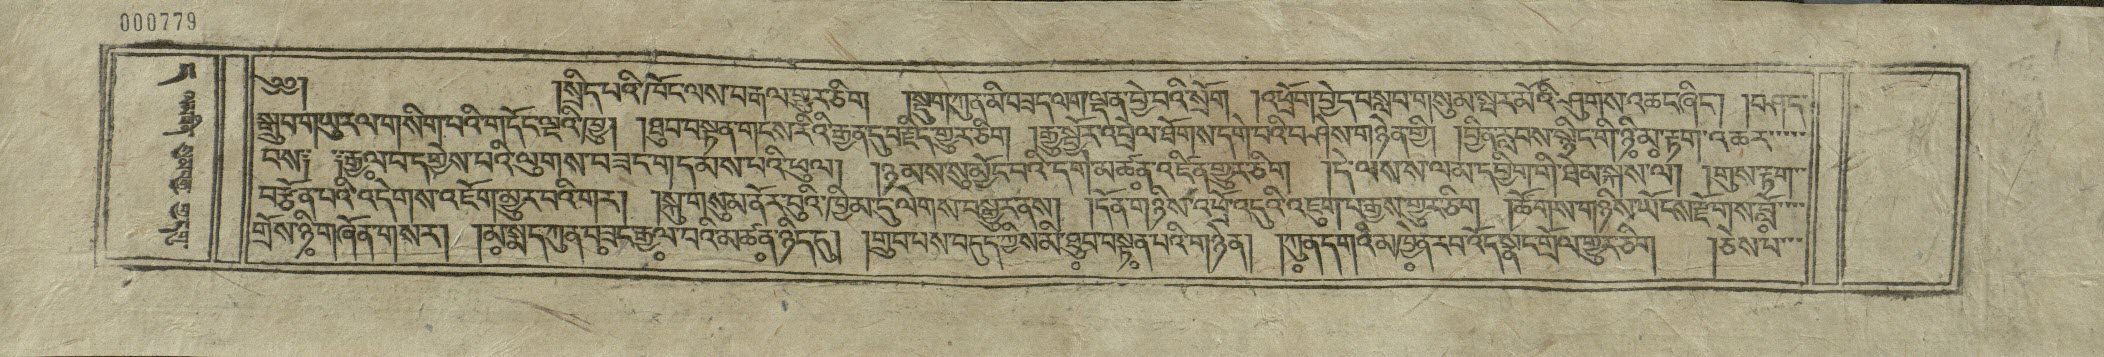༄༅། །སྲིད་པའི་ཁོང་ལས་བརྒལ་གྱུར་ཅིག །སྡུག་ཀུན་མི་བཟད་ལག་ལྡན་བྱེ་བའི་སྲོག །འཕྲོག་བྱེད་བསླབ་གསུམ་སྦར་མོའི་ཤུགས་འཆང་ཞིང་། །བཤད་
སྒྲུབ་གཡུ་རལ་གསིག་པའི་གདོང་ལྔའི་ཁྱུ། །ཐུབ་བསྟན་གངས་རིའི་རྒྱན་དུ་བརྗིད་གྱུར་ཅིག །རྒྱུ་སྦྱོར་འབྲེལ་ཐོགས་དགེ་བའི་བཤེས་གཉེན་གྱི། །བྱིན་རླབས་སྙིང་གི་ཉི་མ་རྟག་འཆར་
བས༑ ༑རྒྱལ་?་བ་དགྱེས་པའི་ལུགས་བཟང་གདམས་པའི་ཕུལ། །ཉམས་སུ་མྱོང་བའི་དགེ་མཚན་འཛིན་གྱུར་ཅིག །དེ་ལས་ས་ལམ་དབྱིག་གི་ཐེམ་སྐས་ལ། །གུས་རྟག་
བརྩོན་པའི་འདེགས་འཇོག་མྱུར་བའི་གར། །སྐུ་གསུམ་ནོར་བུའི་ཁྱིམ་དུ་ལེགས་བསྒྱུར་ནས། །དོན་གཉིས་འཕྲོ་འདུའི་འཇུག་པ་རྒྱས་གྱུར་ཅིག །ཚོགས་གཉིས་ཡོངས་རྫོགས་བློ་
གྲོས་ཉི་གཞོན་གསར། །མ་སྨད་ཀུན་བཟང་རྒྱལ་བའི་མཚན་ཉིད་དུ། །གྲུབ་པས་བདུད་ཀྱིས་མི་ཐུབ་བསྟན་པའི་གཉེན། །ཀུན་དགའི་མཁྱེན་རབ་འོད་སྣང་གྲོལ་གྱུར་ཅིག །ཅེས་པ་